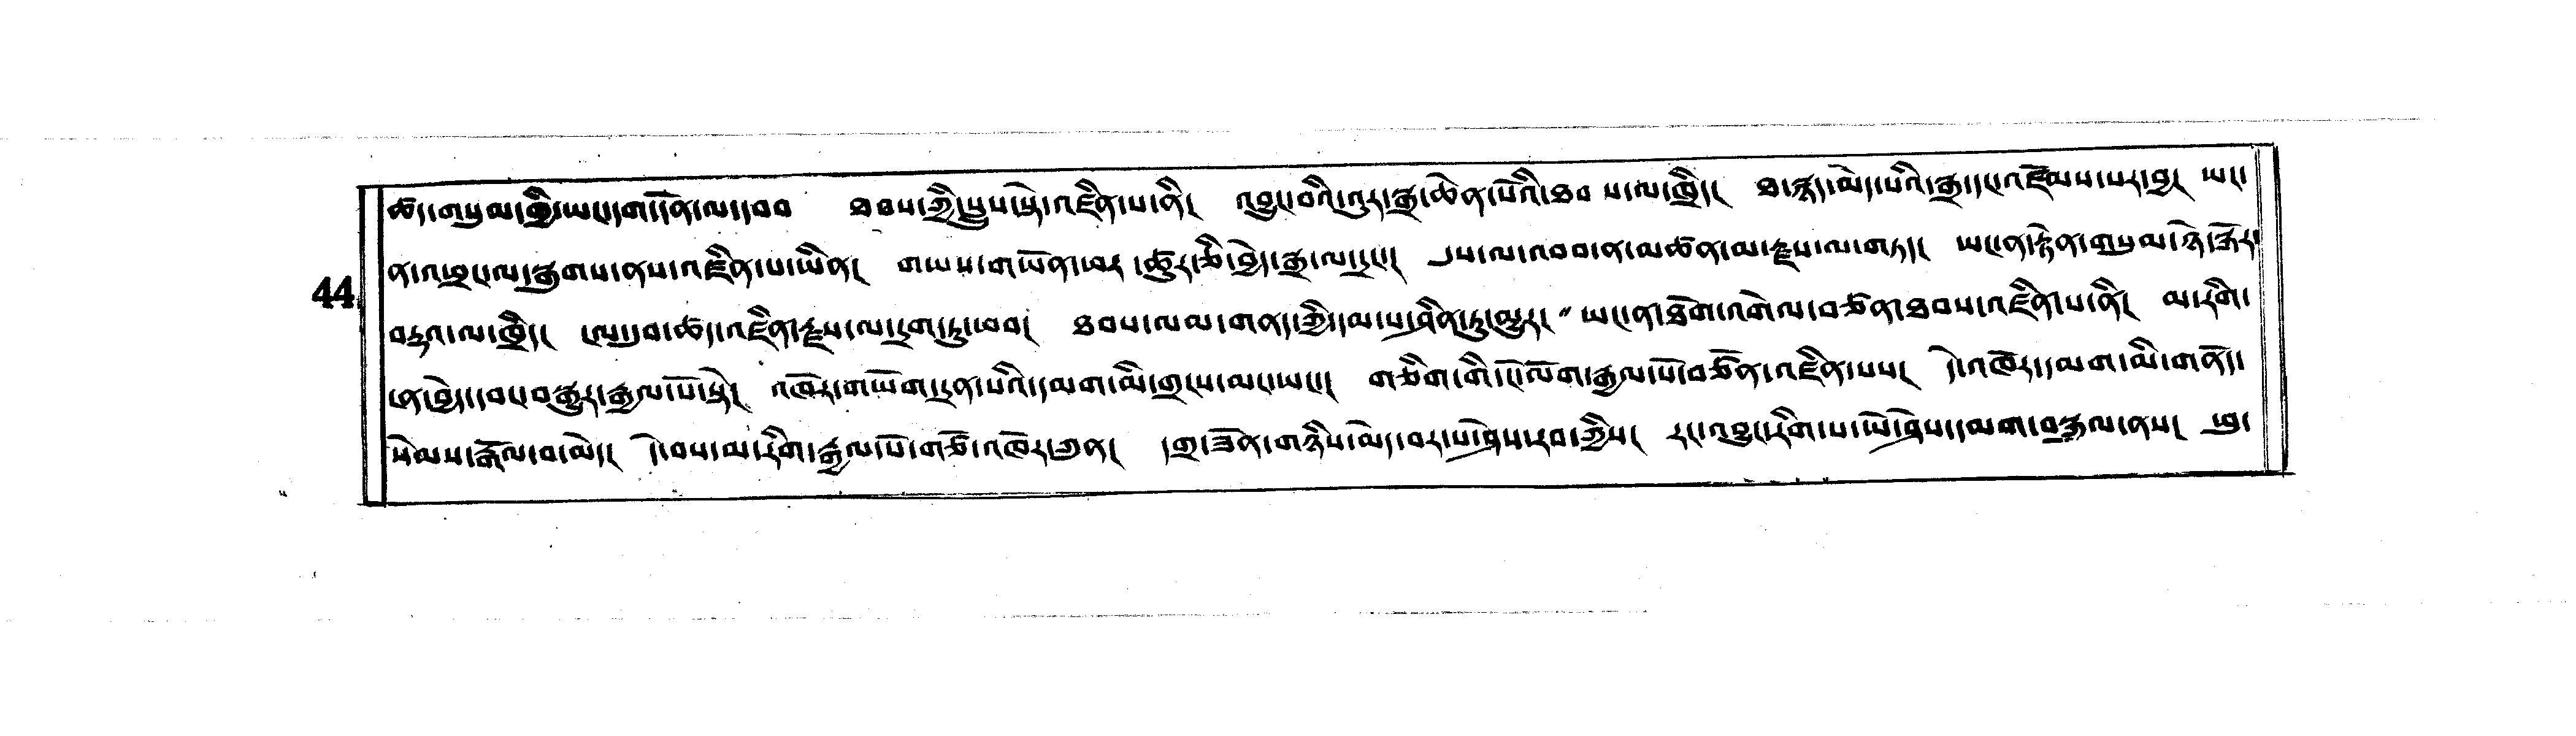ཚད་གསུམ་གྱི་ཡང་དག་དོན་ལ་དབབ། ཐབས་ཀྱིས་བསླུས་ཏེ་འཛིན་པ་ནི། འབྱུང་བའི་འུར་སྒྲ་ཆེན་པོའི་ཐབས་ལ་ཁྲིད། ཐ་སྙད་མེད་པའི་སྒྲ་དང་འཛོམས་པར་བྱ། ཡང་
ན་འཕྲང་ལ་སྒུགས་ནས་འཛིན་པ་ཡིན། གཡས་གཡོན་ཕར་ཚུར་ཅི་བྱེད་སྒྲ་ལ་དྲངས། དུས་ལ་བབས་ན་མཚན་མ་རྫས་ལ་གཏད། ཡང་ན་རྟེན་གསུམ་ཉེ་སྐོར་
བརྡའ་ལ་ཁྲིད། ངལ་དུབ་ཚད་འཛིན་རྫས་ལ་དྲག་ཏུ་ཕབ། ཐབས་ལམ་གནད་ཀྱི་དམ་པ་ཤིན་ཏུ་མྱུར། ཡང་ན་ཐོག་འགེལ་བཙན་ཐབས་འཛིན་པ་ཡིན། མ་རིག་
ངན་བྱེད་དབང་སྒྱུར་རྒྱལ་པོ་སྟེ། འཁོར་གཡོག་དྲན་པའི་དམག་མི་གྲངས་མང་ཡང་། གཅིག་གི་ངོ་ལོག་རྒྱལ་པོ་བཙོན་འཛིན་པས། དེ་འཁོར་དམག་མི་གནོད་
སེམས་རྒོལ་བ་མེད། དེ་བས་མ་རིག་རྒྱལ་པོ་གཙོ་འཁོར་ཀུན། དགྲ་ཟོན་གཉིས་མེད་བར་པ་ཤེས་རབ་ཀྱིས། རང་འབྱུང་རིག་པ་ཡེ་ཤེས་དམག་བསྐུལ་ནས། ཕུ་